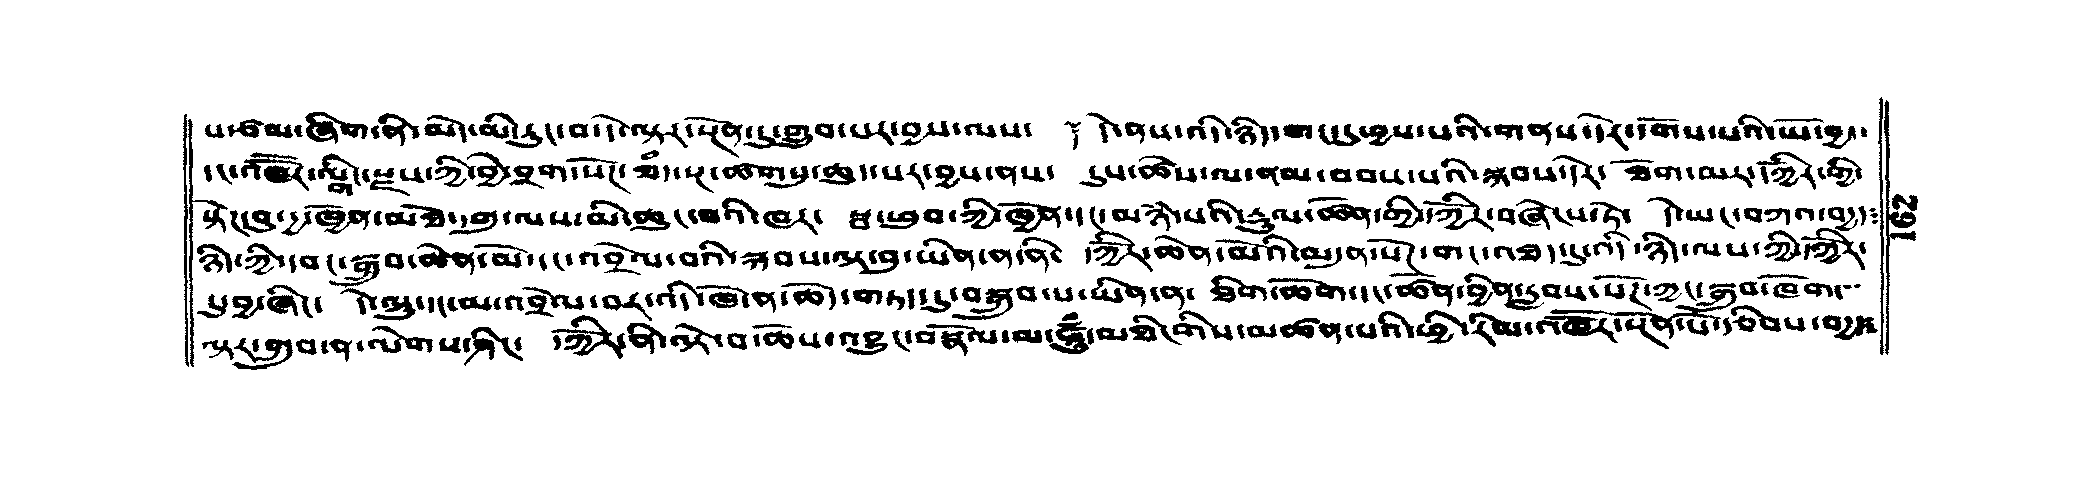པ་ཙམ་ཞིག་ནི་མེད་མི་རུང་བ་དེ་ལྟར་སྔོན་དུ་སྒྲུབ་པར་བྱས་ལ། ༈ དེ་ནས་འདི་ཉིད་གང་དུ་བྱས་པའི་གནས་དེར་དགོས་པའི་ཡོ་བྱད་
དང་འཁོར་ལོ་ལིངྒ་རྫས་ཀྱི་བྱེ་བྲག་སོགས་ཐམས་ཅད་སྔ་ཚགས་སུ་ཆུད་པར་བྱས་ནས། དུས་ཚེས་ལ་ནམ་བབས་པའི་སྐབས་དེར། ཐོག་མར་དཀྱིལ་འཁོར་གྱི་
སྟེགས་བུ་རྒྱ་ཁྱོན་མཐོ་དགུ་ལས་མི་ཆུང་བའི་ཁར། སྦ་ཕུབ་ཀྱི་ཁྱོན་དང་མཉམ་པའི་རྡུལ་ཚོན་གྱི་དཀྱིལ་འཁོར་བཞེངས་ཏེ། དེ་ཡང་བཀའ་བརྒྱད་
ཉིད་ཀྱི་དབང་སྒྲུབ་ཆེན་མོ་དང་འབྲེལ་བའི་སྐབས་ལྟ་བུ་ཡིན་ན་ནི། དཀྱིལ་འཁོར་ཆེན་མོའི་མདུན་སོགས་གང་འཐད་དུ་འདི་ཉིད་ལས་ཀྱི་དཀྱིལ་འཁོར་
དུ་བྱ་ཞིང་། དེ་ལྟ་བུ་དང་མ་འབྲེལ་བར་འདི་ཁོ་ན་ཆོད་གཏད་དུ་བསྒྲུབ་པ་ཡིན་ན།ཐིག་ཆོག་དང་ཚོན་བྱིན་རླབས་སོགས་ཀྱང་སྒྲུབ་ཁོག་
ལྟར་གྲུབ་ན་ལེགས་ཤིང་། དཀྱིལ་འཁོར་ནི་ལྟེ་བ་ཆོས་འབྱུང་བསྣོལ་མ་ལྷུྃ་མཐིང་གིས་མཚན་པའི་ཕྱི་རིམ་འཁོར་ལོ་སྔོན་པོ་རྩིབས་བརྒྱད་